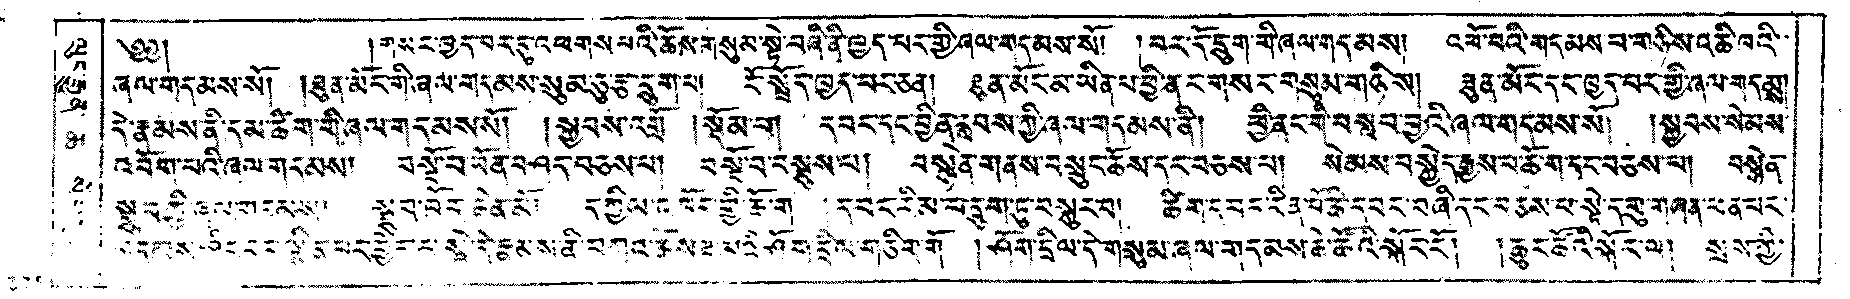༄༅། །གསང་ཁྱད་པར་དུ་འཕགས་པའི་ཆོས་གསུམ་སྟེ་བཞི་ནི་ཁྱད་པར་གྱི་ཞལ་གདམས་སོ། །བར་དོ་དྲུག་གི་ཞལ་གདམས། འཕོ་བའི་གདམས་པ་གཉིས་འཆི་ཁའི་
ཞལ་གདམས་སོ། །ཐུན་མོང་གི་ཞལ་གདམས་སུམ་ཅུ་རྩ་དྲུག་པ། ངོ་སྤྲོད་ཁྱད་པར་ཅན། ཐུན་མོང་མ་ཡིན་པ་ཕྱི་ནང་གསང་གསུམ་གཉིས། ཐུན་མོང་དང་ཁྱད་པར་གྱི་ཞལ་གདམས།
དེ་རྣམས་ནི་དམ་ཚིག་གི་ཞལ་གདམས་སོ། །སྐྱབས་འགྲོ་།སྡོམ་པ། དབང་དང་བྱིན་རླབས་ཀྱི་ཞལ་གདམས་ནི། ཕྱི་ནང་གི་བསླབ་བྱའི་ཞལ་གདམས་སོ། །སྐྱབས་སེམས་
འབོག་པའི་ཞལ་གདམས། བསྔོ་བ་ཡོན་བཤད་བཅས་པ། བསྔོ་བ་བསྡུས་པ། བསྙེན་གནས་བསྲུང་ཆོས་དང་བཅས་པ། སེམས་བསྐྱེད་རྒྱས་པ་ཆོ་ག་དང་བཅས་པ། བསྙེན་
སྒྲུབ་ཀྱི་ཞལ་གདམས། སྒྲུབ་ཁོག་ཆེན་མོ། དཀྱིལ་འཁོར་གྱི་ཆོ་ག །དབང་རིམ་པ་དྲུག་ཏུ་བསྐུར་བ། ཚིག་དབང་རིན་པོ་ཆེ་དབང་བཞི་དང་བཅས་པ་སྟེ་དགུ་གཞན་ཕན་པར་
གདམས་ཤིང་རང་སྨིན་པར་བྱེད་པ་སྟེ་དེ་རྣམས་ནི་བཀའ་ཆོས་ཐ་མའི་ཤོག་དྲིལ་གཅིག་གོ །ཤོག་དྲིལ་དེ་གསུམ་ཞལ་གདམས་ཆེ་ཚོའི་སྐོར་རོ། །ཆུང་ཚོའི་སྐོར་ལ། སྲས་ཀྱི་